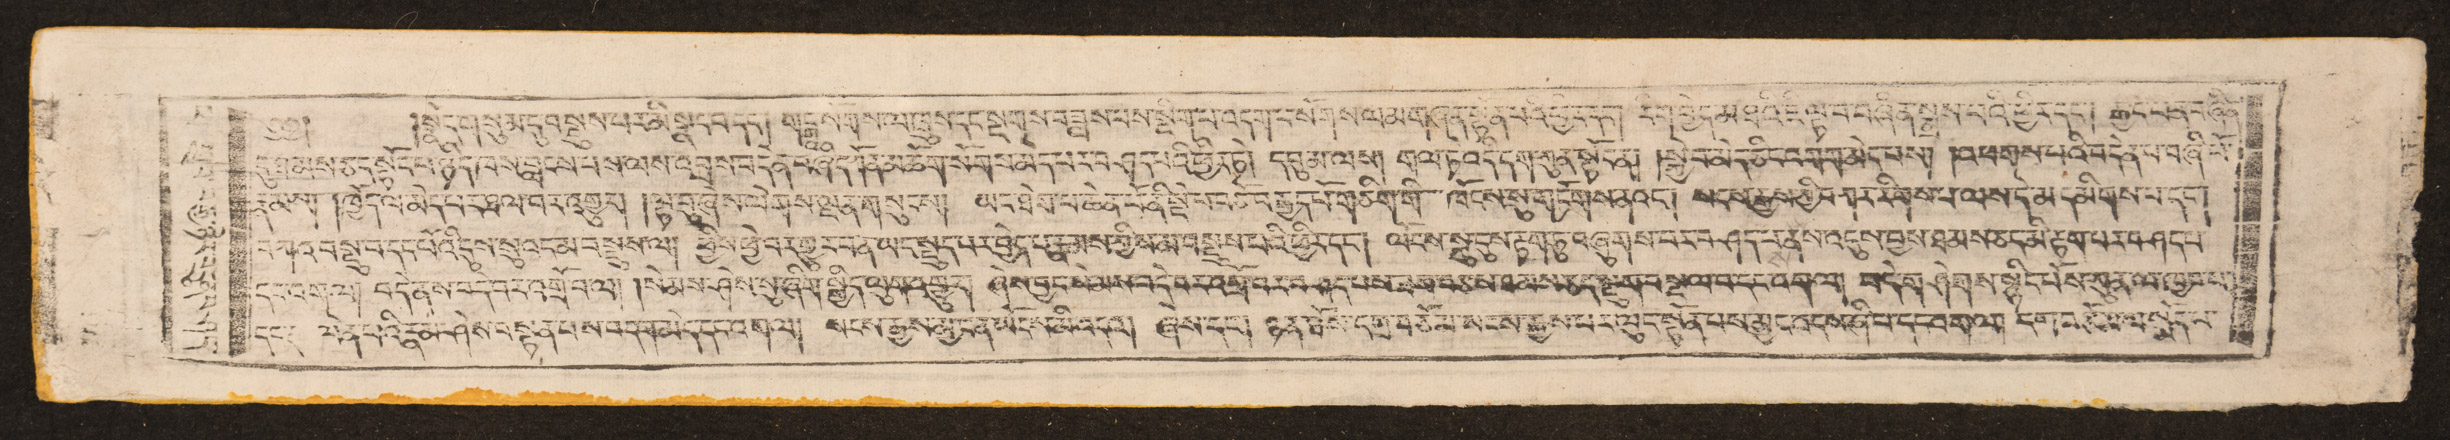༄༅། །སྣོད་གསུམ་དུ་བསྡུས་པར་མི་སྣང་བ་དང་། གངྒཱ་སོགས་ལ་ཁྲུས་དང་སྔགས་བཟླས་པས་སྡིག་པ་འདག་པ་སོགས་ལམ་གཞན་སྟོན་པའི་ཕྱིར་དང་། རིག་བྱེད་མཐའི་ཇི་ལྟ་བ་བཞིན་སྨྲས་པའི་ཕྱིར་དང་། རྒྱང་པན་བཞིན་
དུ་ཐམས་ཅད་སྟོང་པ་ཉིད་ཁས་བླངས་པས་ལས་འབྲས་བདེན་བཞི་དཀོན་མཆོག་སོགས་མེད་པར་བཤད་པའི་ཕྱིར་ཏེ། དབུ་མ་ལས། གལ་ཏེ་འདི་དག་ཀུན་སྟོད་ན། །སྐྱེ་བ་མེད་ཅིང་འགག་མེད་པས། །འཕགས་པའི་བདེན་པ་བཞི་པོ་
རྣམས། །ཁྱོད་ལ་མེད་པར་ཐལ་བར་འགྱུར། །ལྟ་བུ་ཞེས་ལེགས་ལྡན་གསུངས། ཡང་ཐེག་པ་ཆེན་པོ་ནི་སྡེ་པ་བཅོ་བརྒྱད་པོ་གཅིག་གི་ཁོངས་སུ་གཏོགས་ནའང་། སངས་རྒྱས་ཀྱི་བཀར་རིགས་པ་ལས་དེ་མ་དམིགས་པ་དང་།
བཀའ་བསྡུ་བ་དང་པོའི་དུས་སུའང་མ་བསྡུས་ལ། ཕྱིས་ཕྱེ་བར་གྱུར་བ་ན་ཡང་སྡུད་པར་བྱེད་པ་རྣམས་ཀྱིས་མ་བསྡུས་པའི་ཕྱིར་དང་། ལོངས་སྐུ་དུས་རྟག་ཏུ་བཞུགས་པར་བཤད་པ་ནས་འདུས་བྱས་ཐམས་ཅད་མི་རྟག་པར་བཤད་པ་
དང་འགལ། བདེ་ནས་བདེ་བར་འགྲོ་བ་ལ། །སེམས་ཤེས་སུ་ཞིག་སྒྱིད་ལུག་འགྱུར། ཞེས་བྱང་སེམས་བདེ་བར་འགྲོ་བར་བཤད་པས་ཟག་བཅས་ཐམས་ཅད་སྡུག་བསྔལ་བ་དང་འགལ། བདེ་གཤེགས་སྙིང་པོས་ཀུན་ལ་ཁྱབ་པ་
དང༑ ལེན་པའི་རྣམ་ཤེས་བསྟན་པས་བདག་མེད་དང་འགལ། སངས་རྒྱས་མྱ་ངན་ཡོངས་མི་འདའ། ཞེས་དང་། ཉན་ཐོས་དགྲ་བཅོམ་སངས་རྒྱས་པར་ལུང་སྟོན་པས་མྱང་འདས་ཞིལ་དང་འགལ། དགྲ་བཅོམ་ལ་སྨོད་པ་